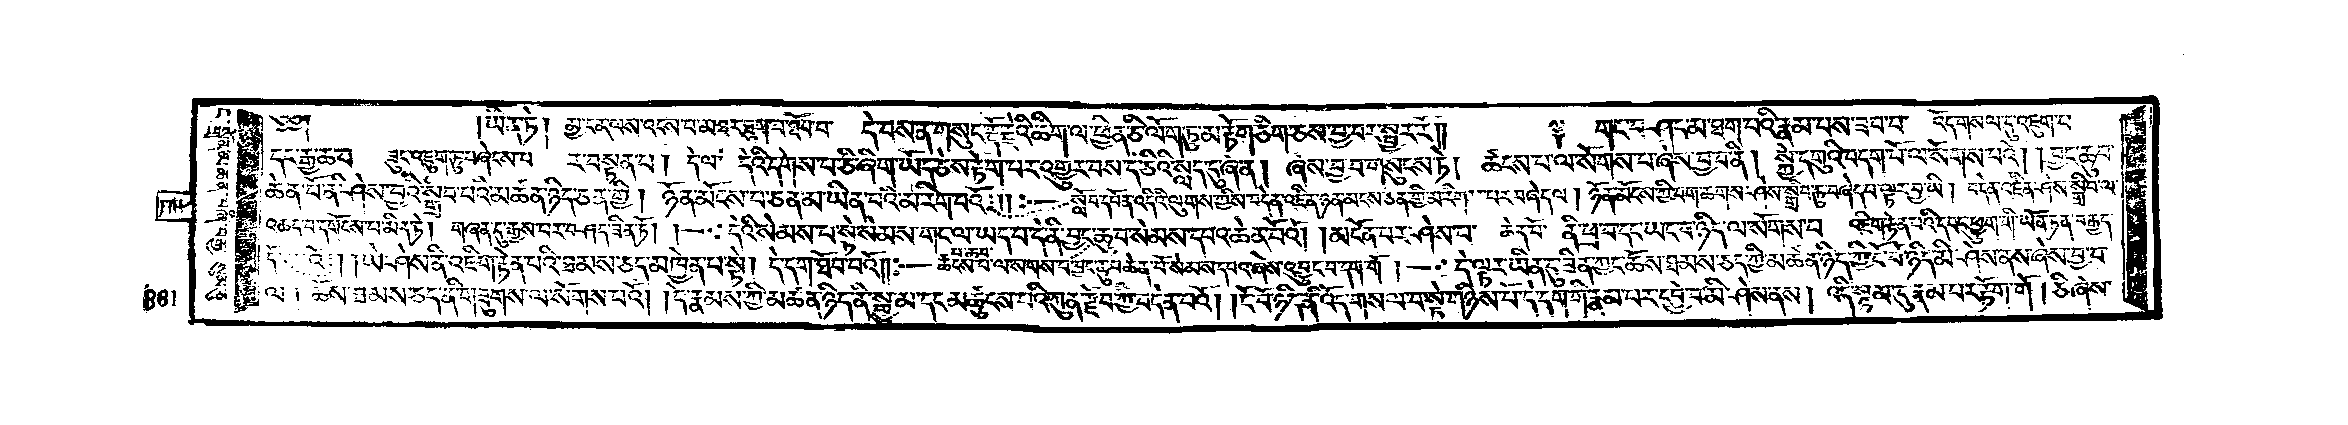༄༅། །ཡིན་ཏེ། མྱ་ངན་ལས་འདས་པ་མཐར་ཐུག་ཐོབ་པ་དེ་བས་ན་གསུང་རྡོ་རྗེའི་ཚིག་ལ་ཕྱིན་ཅི་ལོག་ཏུ་མ་རྟོག་ཅིག་ཅེས་བྱ་བར་སྦྱར་རོ།། ༈ གང་བཤད་མ་ཐག་པའི་རྣམ་པས་ཟབ་པ་འོད་གསལ་དུ་འཇུག་པ
དང་རྒྱ་ཆ་བ་ཟུང་འཇུག་ཏུ་བཞེངས་པར་བསྟན་པ། དེ་ལ་དེའི་དགས་པ་ཅི་ཞིག་ཡོད་ཅེས་རྟོག་པར་འགྱུར་བས་དེ་ཅིའི་སླད་དུ་ཞེ་ན། ཞེས་བྱ་བ་གསུངས་ཏེ། ཚངས་པ་ལ་སོགས་པ་ཞེས་བྱ་བ་ནི། སྐྱེ་དགུའི་བདག་པོ་ལ་སོགས་པའོ། །བྱང་ཆུབ་
ཆེན་པོ་ནི་ཤེས་བྱའི་སྒྲིབ་པའི་མཚན་ཉིད་ཅན་གྱི། ཉོན་མོངས་པ་ཅན་མ་ཡིན་པའི་མ་རིག་པའོ།།H.་སློབ་དཔོན་འདིའི་ལུགས་ཀྱིས་བདེན་འཛིན་ཉོན་མོངས་ཅན་གྱི་མ་རིག་པར་བཞེད་ལ། ཉོན་མོངས་ཀྱི་བག་ཆགས་ཤེས་སྒྲིབ་ཏུ་བཞེད་པ་ལྟར་བྱ་ཡི། བདེན་འཛིན་ཤེས་སྒྲིབ་ལ་
འཆད་པ་དགོངས་པ་མིན་ཏེ། གཞན་དུ་རྒྱས་པར་བཤད་ཟིན་ཏོ། །.H དེའི་སེམས་པ་སྟེ་སེམས་གང་ལ་ཡད་པ་དེ་ནི་བྱང་ཆུབ་སེམས་དཔའ་ཆེན་པོའོ། །མངོན་པར་ཤེས་པ་ཆེན་པོ་ནི་ཕྲ་བ་དང་ཡང་བ་ཉིད་ལ་སོགས་པ་འཇིག་རྟེན་པའི་དབང་ཕྱུག་གི་ཡོན་ཏན་བརྒྱད་
དོའོ། །ཡེ་ཤེས་ནི་འཇིག་རྟེན་པའི་ཐམས་ཅད་མཁྱེན་པ་སྟེ། དེ་དག་ཐོབ་པའོ།།H.་པ་ཚབ་ཚངས་པ་ལ་སོགས་པ་བྱང་ཆུབ་ཆེན་པོ་སེམས་དཔའ་ཞེས་འབྱུང་བ་དག་གོ །  .H དེ་ལྟར་ཡིན་དུ་ཟིན་ཀྱང་ཆོས་ཐམས་ཅད་ཀྱི་མཚན་ཉིད་ཀྱི་ངོ་བོ་ཉིད་མི་ཤེས་ནས་ཞེས་བྱ་བ་
ལ། ཆོས་ཐམས་ཅད་ནི་གཟུགས་ལ་སོགས་པའོ། །དེ་རྣམས་ཀྱི་མཚན་ཉིད་ནི་སྒྱུ་མ་དང་མཚུངས་པའི་ཀུན་རྫོབ་ཀྱི་བདེན་པའོ། །ངོ་བོ་ཉིད་ནི་འོད་གསལ་བ་སྟེ་གཉིས་པོ་དེ་དག་གི་རྣམ་པར་དབྱེ་བ་མི་ཤེས་ནས། འདི་སྙམ་དུ་རྣམ་པར་རྟོག་གོ །ཅི་ཞེས་